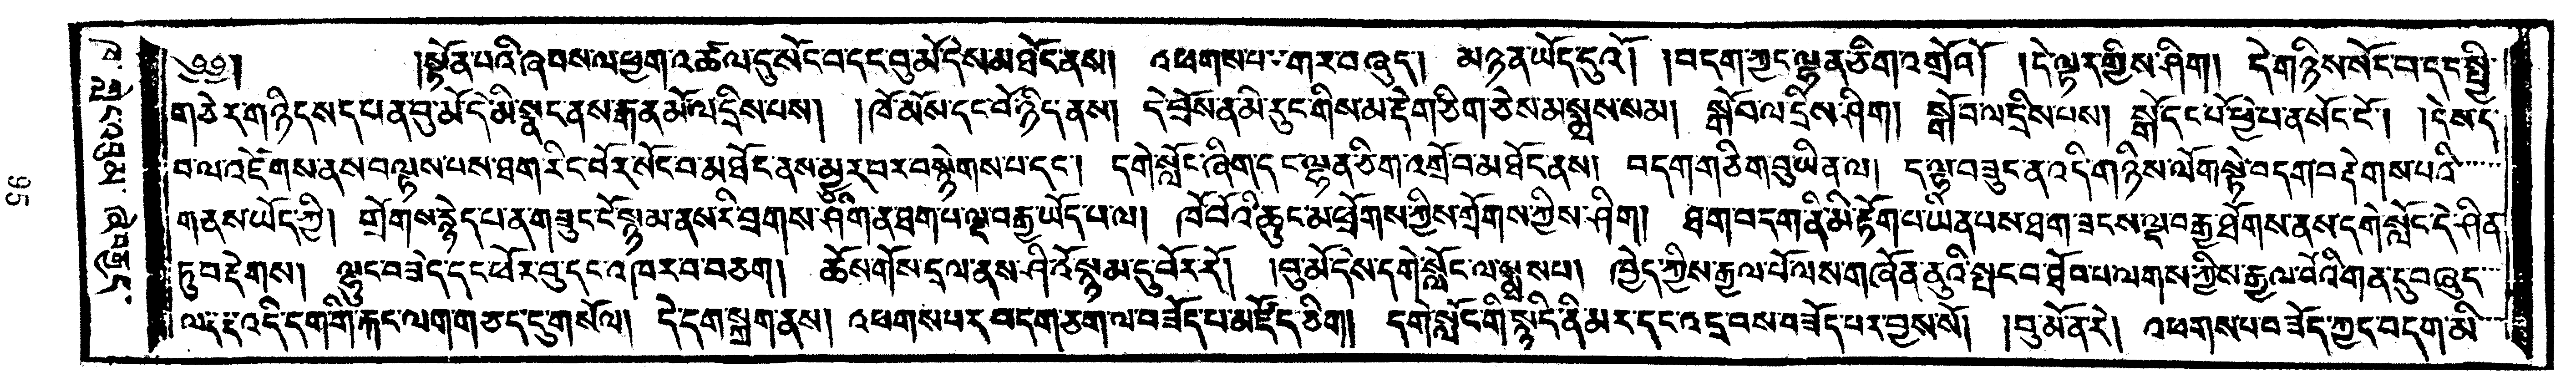༄༅། །སྟོན་པའི་ཞབས་ལ་ཕྱག་འཚལ་དུ་སོང་བ་དང་བུ་མོ་དེས་མཐོང་ནས། འཕགས་པ༑ གར་བཞུད། མཉན་ཡོད་དུའོ། །བདག་ཀྱང་ལྷན་ཅིག་འགྲོའོ། །དེ་ལྟར་གྱིས་ཤིག། དེ་གཉིས་སོང་བ་དང་སྤྱི་
གཅེར་གཉིད་སད་པན་བུ་མོ་དེ་མི་སྣང་ནས་རྒན་མོ་ལ་དྲིས་པས། །ཁོ་མོས་དང་བོ་ཉིད་ནས། དེ་བྲོས་ན་མི་རུང་གིས་མ་རྡེ་གཅིག་ཅེས་མ་སྨྲས་སམ། སྒོ་བ་ལ་དྲིས་ཤིག། སྒོ་བ་ལ་དྲིས་པས། སྒོ་དང་པོ་ཕྱེ་པ་ན་སོང་ངོ། །དེས་ད་
བ་ལ་འཛེགས་ནས་བལྟས་པས་ཐག་རིང་བོར་སོང་བ་མཐོང་ནས་མྱུར་བར་བསྙེགས་པ་དང་། དགེ་སློང་ཞིག་དང་ལྷན་ཅིག་འགྲོ་བ་མཐོང་ནས། བདག་གཅིག་བུ་ཡིན་ལ། ད་ལྟ་བཟུང་ན་འདི་གཉིས་ལོག་སྟེ་བདག་བརྡེགས་པའི་
གནས་ཡོད་ཀྱི། གྲོགས་རྙེད་པ་ན་གཟུང་ངོ་སྙམ་ནས་རི་བྲགས་ཤིག་ན་ཐག་པ་ལྔ་བརྒྱ་ཡོད་པ་ལ། ཁོ་བོའི་ཆུང་མ་ཕྲོགས་ཀྱིས་གྲོགས་ཀྱིས་ཤིག། ཐག་བདག་ནི་མི་རྟོག་པ་ཡིན་པས་ཐ་ག་ཟངས་ལྔ་བརྒྱ་ཐོགས་ནས་དགེ་སློང་དེ་ཤིན་
ཏུ་བརྡེགས། ལྷུང་བཟེད་དང་ཕོར་བུ་དང་འཁར་བ་བཅག། ཆོས་གོས་དྲལ་ནས་ཤིའོ་སྙམ་དུ་བོར་རོ། །བུ་མོ་དེས་དགེ་སློང་ལ་སྨྲས་པ། ཁྱེད་ཀྱིས་རྒྱལ་པོ་ལས་གཞོན་ནུའི་སྤང་བ་ཐོབ་པ་ལགས་ཀྱིས་རྒྱལ་བོའི་གན་དུ་བཞུད་
ལ༑ ༑འདི་དག་གི་རྐང་ལག་གཅད་དུ་གསོལ། དེ་དག་སྐྲག་ནས། འཕགས་པར་བདག་ཅག་ལ་བཟོད་པ་མཛོད་ཅིག། དགེ་སློང་གི་སྙིང་ནི་མར་དང་འདྲ་བས་བཟོད་པར་བྱས་སོ། །བུ་མོ་ན་རེ། འཕགས་པ་བཟོད་ཀྱང་བདག་མི་